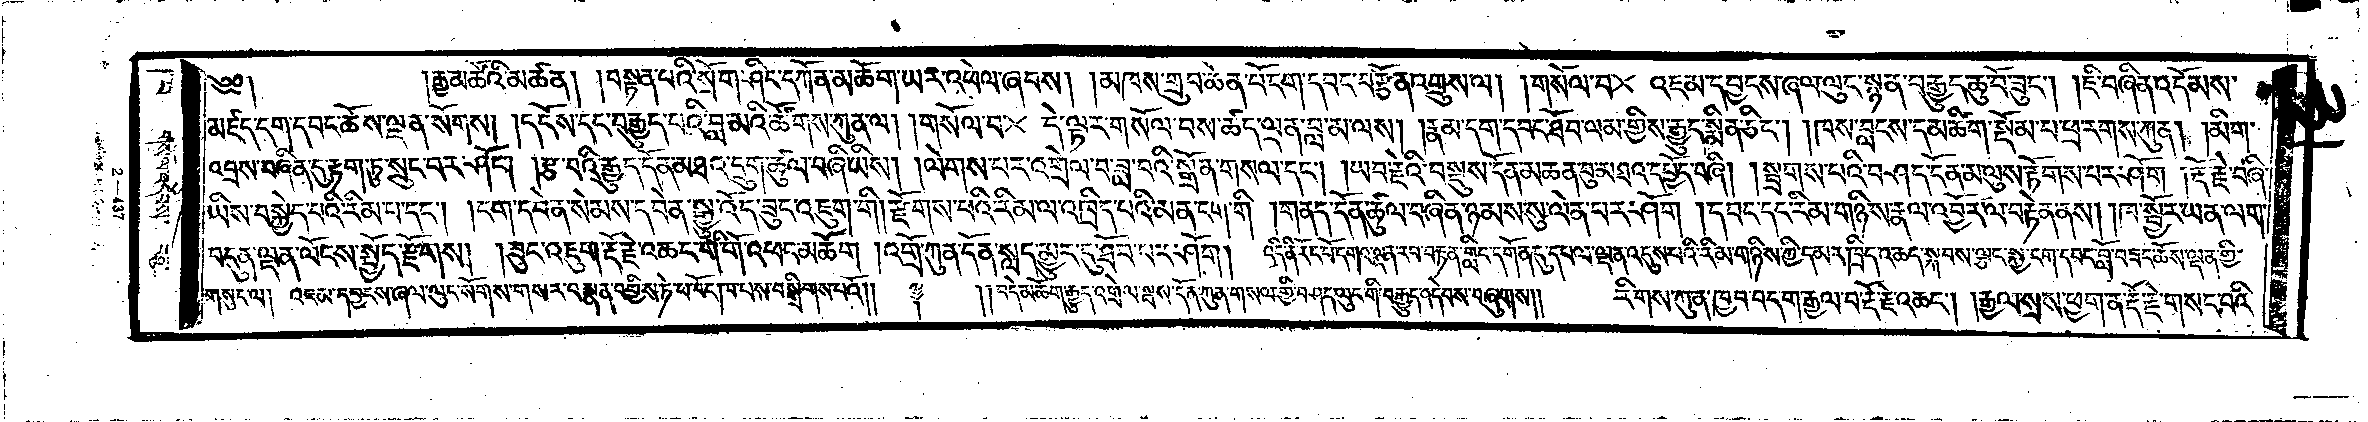༄༅། །རྒྱ་མཚོའི་མཚན། །བསྟན་པའི་སྲོག་ཤིང་དཀོན་མཆོག་མཆོག་ཡར་འཕེལ་ཞབས། །མཁས་གྲུབ་ཆེན་པོ་ངག་དབང་བརྩོན་འགྲུས་ལ། །གསོལ་བ་྾་འཇམ་དབྱངས་ཞལ་ལུང་སྙན་བརྒྱུད་ཆུ་བོ་ཟུང་། །ཇི་བཞིན་འདོམས་
མཛད་ངག་དབང་ཆོས་ལྡན་སོགས། །དངོས་དང་བརྒྱུད་པའི་བློ་མའི་ཚོགས་ཀུན་ལ། །གསོལ་བ་྾་དེ་ལྟར་གསོལ་བས་ཚད་ལན་བླ་མ་ལས། །རྣམ་དང་དབང་ཐོབ་ལམ་གྱིས་རྒྱུད་སྨིན་ཅིང་། །ཁས་བླངས་དམ་ཚིག་སྡོམ་པ་ཕྲ་རགས་ཀུན། །མིག་
འབྲས་བཞིན་དུ་རྟག་ཏུ་སྲུང་བར་ཤོང་། །རྩ་བའི་རྒྱུད་དོན་མཐའ་དྲུག་ཚུལ་བཞི་ཡིས། །ལེགས་པར་འགྲེལ་བ་ཟླ་བའི་སྒྲོན་གསལ་དང་། །ཡབ་རྗེའི་བསྡུས་དོན་མཆན་བུ་མཐའ་དཔྱོད་བཞི། །སྦྲགས་པའི་བཤད་དོན་མ་ལུས་རྟོགས་པར་ཤོག །རྡོ་རྗེ་བཞི་
ཡིས་བསྐྱེད་པའི་རིམ་པ་དང་། །ངག་དབེན་སེམས་དབེན་སྒྱུ་འོད་ཟུང་འཇུག་གི། རྫོགས་པའི་རིམ་ལ་འཁྲིད་པའི་མན་ངག་གི །གནད་དོན་ཚུལ་བཞིན་ཉམས་སུ་ལེན་པར་ཤོག །དབང་དང་རིམ་གཉིས་རྣལ་འབྱོར་ལ་བརྟེན་ནས། །ཁ་སྦྱོར་ཡན་ལག་
བདུན་ལྡན་ལོངས་སྤྱོད་རྫོགས། །ཟུང་འཇུག་རྡོ་རྗེ་འཆང་གི་གོ་འཕང་མཆོག །འགྲོ་ཀུན་དོན་སླད་མྱུར་དུ་ཐོབ་པར་ཤོག །འདི་ནི་རོང་པོ་དགའ་ལྡན་རབ་བརྟན་གླིང་དགོན་དུ་དཔལ་ལྡན་འདུས་པའི་རིམ་གཉིས་ཀྱི་དམར་ཁྲིད་འཆད་སྐབས་ལྕང་སྐྱ་ངག་དབང་བློ་བཟང་ཆོས་ལྡན་གྱི་
གསུང་ལ། འཇམ་དབྱངས་ཞལ་ལུང་སོགས་གསར་བསྣན་བགྱིས་ཏེ་ཕ་བོང་ཁ་པས་བསྒྲིགས་པའོ།། ༈ །།བདེ་མཆོག་རྒྱུད་འགྲེལ་སྦས་དོན་ཀུན་གསལ་གྱི་བཤད་ལུང་གི་བརྒྱུད་འབེབས་བཞུགས།། རིགས་ཀུན་ཁྱབ་བདག་རྒྱལ་བ་རྡོ་རྗེ་འཆང་། །རྒྱལ་སྲས་ཕྱག་ན་རྡོ་རྗེ་གསང་བའི་